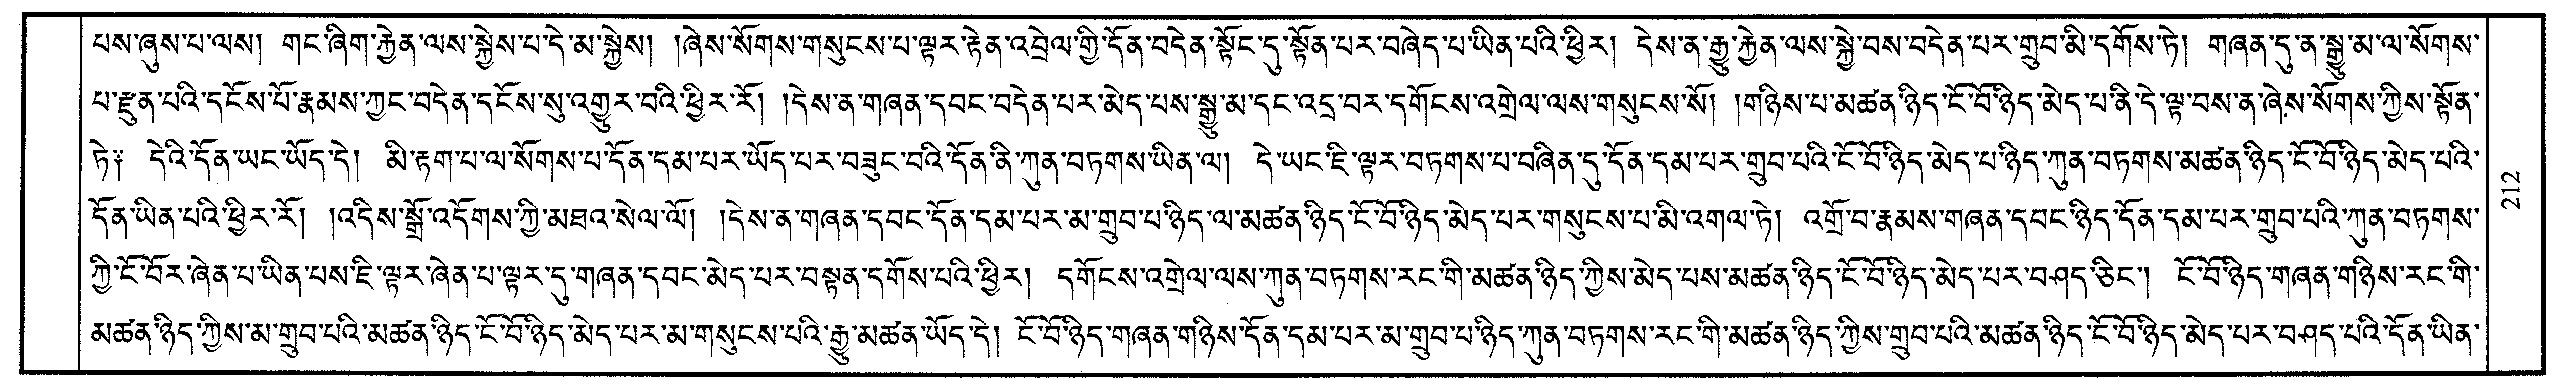པས་ཞུས་པ་ལས། གང་ཞིག་རྐྱེན་ལས་སྐྱེས་པ་དེ་མ་སྐྱེས། །ཞེས་སོགས་གསུངས་པ་ལྟར་རྟེན་འབྲེལ་གྱི་དོན་བདེན་སྟོང་དུ་སྟོན་པར་བཞེད་པ་ཡིན་པའི་ཕྱིར། དེས་ན་རྒྱུ་རྐྱེན་ལས་སྐྱེ་བས་བདེན་པར་གྲུབ་མི་དགོས་ཏེ། གཞན་དུ་ན་སྒྱུ་མ་ལ་སོགས་
པ་རྫུན་པའི་དངོས་པོ་རྣམས་ཀྱང་བདེན་དངོས་སུ་འགྱུར་བའི་ཕྱིར་རོ། །དེས་ན་གཞན་དབང་བདེན་པར་མེད་པས་སྒྱུ་མ་དང་འདྲ་བར་དགོངས་འགྲེལ་ལས་གསུངས་སོ། །གཉིས་པ་མཚན་ཉིད་ངོ་བོ་ཉིད་མེད་པ་ནི་དེ་ལྟ་བས་ན་ཞེས་སོགས་ཀྱིས་སྟོན་
ཏེ༑ དེའི་དོན་ཡང་ཡོད་དེ། མི་རྟག་པ་ལ་སོགས་པ་དོན་དམ་པར་ཡོད་པར་བཟུང་བའི་དོན་ནི་ཀུན་བཏགས་ཡིན་ལ། དེ་ཡང་ཇི་ལྟར་བཏགས་པ་བཞིན་དུ་དོན་དམ་པར་གྲུབ་པའི་ངོ་བོ་ཉིད་མེད་པ་ཉིད་ཀུན་བཏགས་མཚན་ཉིད་ངོ་བོ་ཉིད་མེད་པའི་
དོན་ཡིན་པའི་ཕྱིར་རོ། །འདིས་སྒྲོ་འདོགས་ཀྱི་མཐའ་སེལ་ལོ། །དེས་ན་གཞན་དབང་དོན་དམ་པར་མ་གྲུབ་པ་ཉིད་ལ་མཚན་ཉིད་ངོ་བོ་ཉིད་མེད་པར་གསུངས་པ་མི་འགལ་ཏེ། འགྲོ་བ་རྣམས་གཞན་དབང་ཉིད་དོན་དམ་པར་གྲུབ་པའི་ཀུན་བཏགས་
ཀྱི་ངོ་བོར་ཞེན་པ་ཡིན་པས་ཇི་ལྟར་ཞེན་པ་ལྟར་དུ་གཞན་དབང་མེད་པར་བསྟན་དགོས་པའི་ཕྱིར། དགོངས་འགྲེལ་ལས་ཀུན་བཏགས་རང་གི་མཚན་ཉིད་ཀྱིས་མེད་པས་མཚན་ཉིད་ངོ་བོ་ཉིད་མེད་པར་བཤད་ཅིང་། ངོ་བོ་ཉིད་གཞན་གཉིས་རང་གི་
མཚན་ཉིད་ཀྱིས་མ་གྲུབ་པའི་མཚན་ཉིད་ངོ་བོ་ཉིད་མེད་པར་མ་གསུངས་པའི་རྒྱུ་མཚན་ཡོད་དེ། ངོ་བོ་ཉིད་གཞན་གཉིས་དོན་དམ་པར་མ་གྲུབ་པ་ཉིད་ཀུན་བཏགས་རང་གི་མཚན་ཉིད་ཀྱིས་གྲུབ་པའི་མཚན་ཉིད་ངོ་བོ་ཉིད་མེད་པར་བཤད་པའི་དོན་ཡིན་